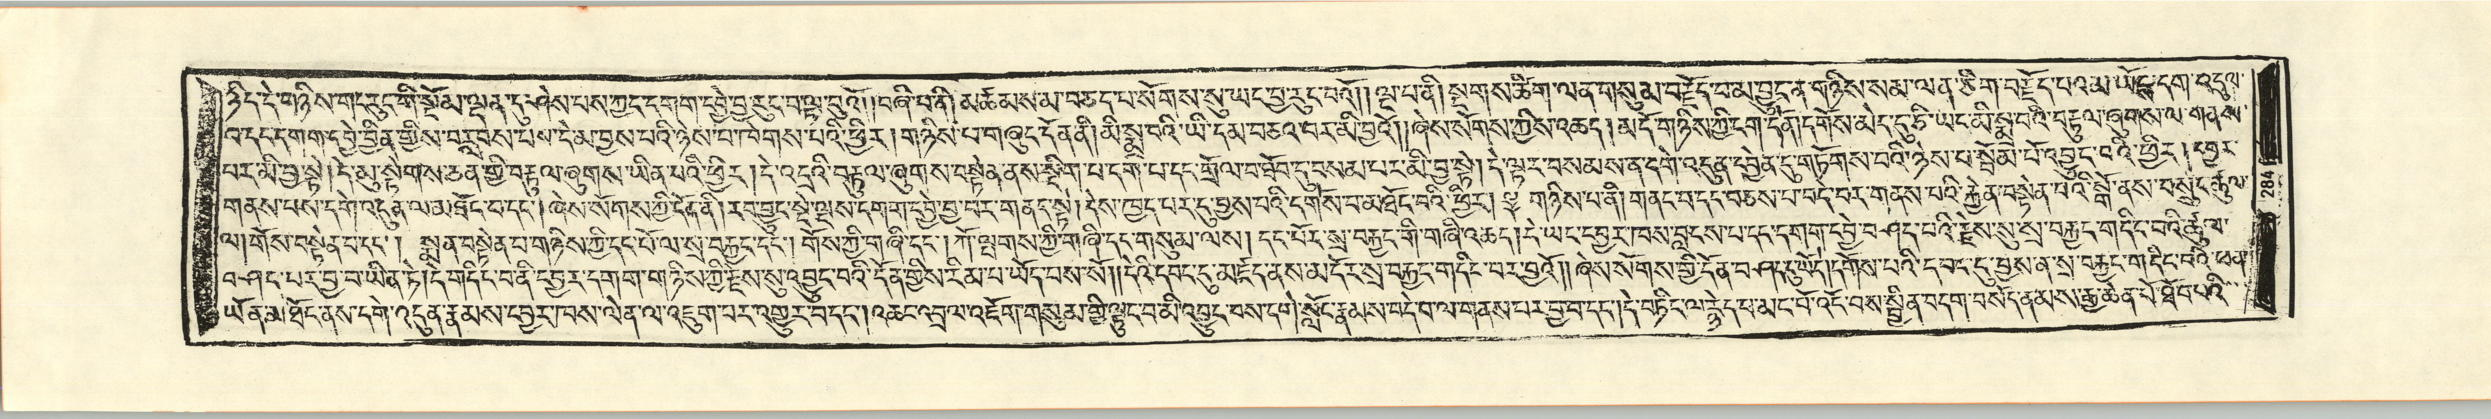ཉིད་དེ་གཉིས་གང་རུང་གི་སྡོམ་ལྡན་དུ་ཤེས་པས་ཀྱང་དགག་དབྱེ་བྱ་རུང་བ་ལྟ་བུའོ། །བཞི་པ་ནི། མཚམས་མ་བཅད་པ་སོགས་སུ་ཡང་བྱ་རུང་བའོ། །ལྔ་པ་ནི། སྔགས་ཚིག་ལན་གསུམ་བརྗོད་བ་མ་བྱུང་ན་གཉིས་སམ་ལན་ཅིག་བརྗོད་པའམ་ཡོངས་དག་འདུལ་
བ་དང་དགག་དབྱེ་བྱིན་གྱིས་བརླབས་པས་དེ་མ་བྱས་པའི་ཉེས་པ་ཁེགས་པའི་ཕྱིར། གཉིས་པ་གཞུང་དོན་ནི། མི་སྨྲ་བའི་ཡི་དམ་བཅའ་བར་མི་བྱའོ། །ཞེས་སོགས་ཀྱིས་འཆད། མདོ་གཉིས་ཀྱི་ངག་དོན། དགོས་མེད་དུ་ཅི་ཡང་མི་སྨྲ་བའི་བརྟུལ་ཞུགས་ལ་གནས་
བར་མི་བྱ་སྟེ། དེ་མུ་སྟེགས་ཅན་གྱི་བརྟུལ་ཞུགས་ཡིན་པའི་ཕྱིར། དེ་འདྲའི་བརྟུལ་ཞུགས་བསྟེན་ནས་སྡིག་པ་དག་པ་དང་གྲོལ་བ་ཐོབ་དུ་བསམ་པར་མི་བྱ་སྟེ། དེ་ལྟར་བསམས་ན་དགེ་འདུན་དབྱེན་དུ་གཏོགས་བའི་ཉེས་པ་སྦོམ་པོ་འབྱུང་བའི་ཕྱིར། དབྱར་
གནས་པས་དགེ་འདུན་ལ་མཐོང་བ་དང་། ཞེས་སོགས་ཀྱི་དོན་ནི། རབ་བྱུང་སྡེ་ལྔས་དགག་དབྱེ་བྱ་བར་གནད་སྟེ། དེས་ཁྱད་པར་དུ་བྱས་པའི་དགོས་པ་མཐོང་བའི་ཕྱིར། ༈ གཉིས་པ་ནི། གནང་བ་དང་བཅས་པ་བདེ་བར་གནས་པའི་རྐྱེན་བསྟེན་པའི་སྒོ་ནས་བསྲུང་ཚུལ་
ལ། གོས་བསྟེན་པ་དང་། སྨན་བསྟེན་པ་གཉིས་ཀྱི་དང་པོ་ལ་སྲ་བརྐྱང་དང་། གོས་ཀྱི་གཞི་དང་། ཀོ་ལྤགས་ཀྱི་གཞི་དང་གསུམ་ལས། དང་པོར་སྲ་བརྐྱང་གི་གཞི་འཆད། དེ་ཡང་དབྱར་ཁས་བླངས་པ་དང་དགག་དབྱེ་བཤད་པའི་རྗེས་སུ་སྲ་བརྐྱང་གདིང་བའི་ཚུལ་
བཤད་པར་བྱ་བ་ཡིན་ཏེ། དེ་གདིང་བ་ནི་དབྱར་དགག་གཉིས་ཀྱི་རྗེས་སུ་འབྱུང་བའི་དོན་གྱིས་རིམ་པ་ཡོད་པས་སོ། །དེའི་དབང་དུ་མཛད་ནས་མདོར་སྲ་བརྐྱང་གདིང་བར་བྱའོ། །ཞེས་སོགས་གྱི་དོན་བཤད་དུ་ཡོད་དེ། དགོས་པའི་དབང་དུ་བྱས་ནས་སྲ་བརྐྱང་གདིང་བའི་ཕན་
ཡོན་མཐོང་ནས་དགེ་འདུན་རྣམས་དབྱར་ཁས་ལེན་ལ་འཇུག་པར་འགྱུར་བ་དང་། འཆང་འབྲལ་འཇོག་གསུམ་གྱི་ལྟུང་བ་མི་འབྱུང་བས་དགེ་སློང་རྣམས་བདེ་བ་ལ་གནས་པར་བྱ་བ་དང་། དེ་བཏིང་ལ་རྙེད་པ་མང་པོ་འདོ་བས་སྦྱིན་བདག་བསོད་ནམས་རྒྱ་ཆེན་པོ་ཐོབ་པའི་